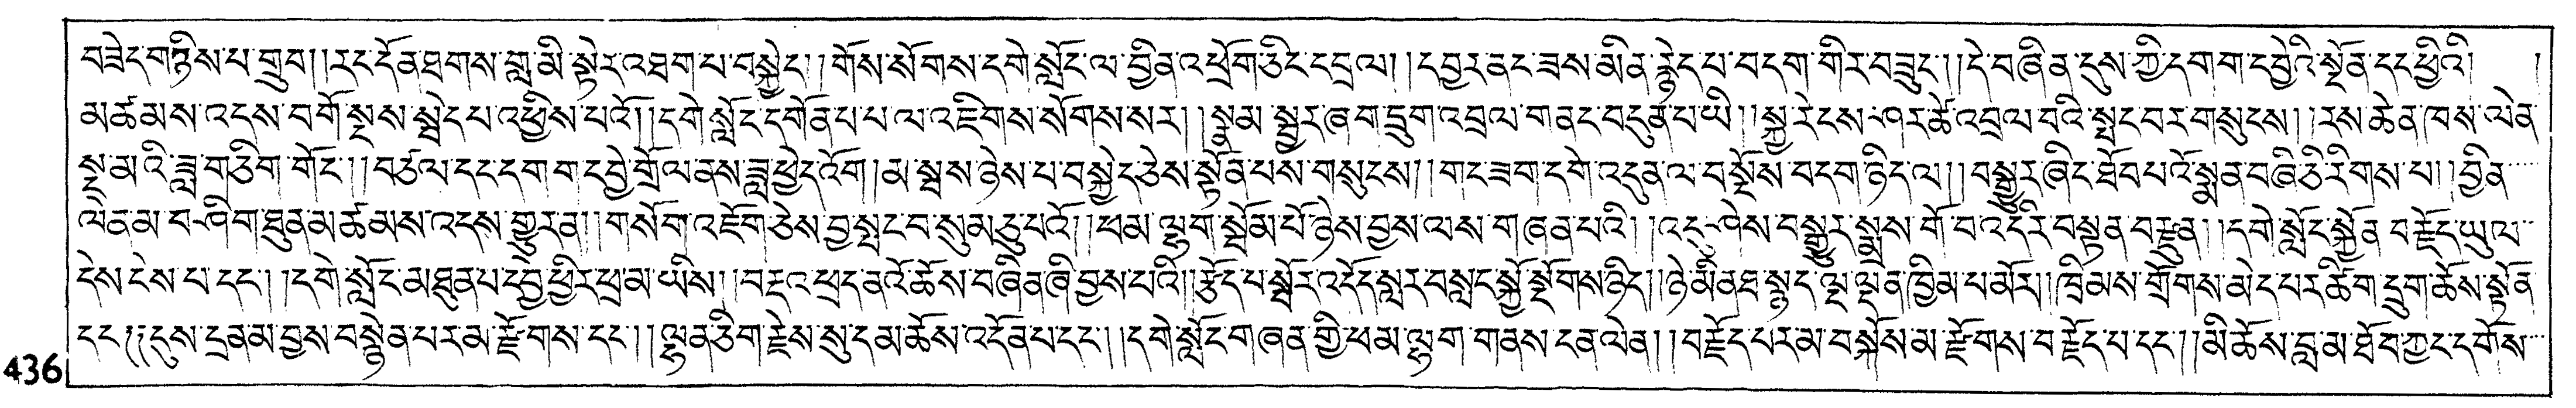བཟེད་གཉིས་པ་གྲུབ། །རང་དོན་ཐགས་གླ་མི་སྟེར་འཐག་པ་བསྐྱེད། །གོས་སོགས་དགེ་སློང་ལ་བྱིན་འཕྲོག་ཅིང་དབྲལ། །དབྱར་ནང་ཟས་མིན་རྙེད་པ་བདག་གིར་བཟུང་། །དེ་བཞིན་དུས་ཀྱི་དགག་དབྱེའི་སྔོན་དང་ཕྱིའི། །
མཚམས་འདས་བགོ་སྔས་སྦེད་པ་འཕྱིས་པའོ། །དགེ་སློང་དགོན་པ་པ་ལ་འཇིགས་སོགས་སར། །སྣམ་སྦྱར་ཞག་དྲུག་འབྲལ་གནང་བདུན་པ་ཡི། །སྐྱ་རེངས་ཤར་ཚེ་འབྲལ་བའི་སྤང་བར་གསུངས། །རས་ཆེན་ཁས་ལེན་
སྔ་མའི་ཟླ་གཅིག་གོང་། །བཙལ་དང་དགག་དབྱེ་གྲོལ་ནས་ཟླ་ཕྱེད་འོག །མ་སྦས་ཉེས་པ་བསྐྱེད་ཅེས་སྟོན་པས་གསུངས། །གང་ཟག་དགེ་འདུན་ལ་བསྔོས་བདག་ཉིད་ལ། །བསྒྱུར་ཞིང་ཐོབ་པའོ་སྨན་བཞི་ཅི་རིགས་པ། །བྱིན་
ལེན་མ་བཤིག་ཐུན་མཚམས་འདས་གྱུར་ན། །གསོག་འཇོག་ཅེས་བྱ་སྤང་བ་སུམ་ཅུ་པའོ། །ཕམ་ལྷག་སྦོམ་པོ་ཉེས་བྱས་ལས་གཞན་པའི། །འདུ་ཤེས་བསྒྱུར་སྨྲས་གོ་བ་འདིར་བསྟན་བརྫུན། །དགེ་སློང་སྐྱོན་བརྗོད་ཡུལ་
དེས་ངེས་པ་དང་། །དགེ་སློང་མཐུན་པ་དབྱེ་ཕྱིར་ཕྲ་མ་ཡིས། །བརྡའ་ཕྲད་ནའོ་ཆོས་བཞིན་ཞི་བྱས་པའི། །རྩོད་པ་སྤོར་འདོད་སླར་བསླང་སྐྱོ་སྔོགས་ཉིད། །ཉེ་མིན་ཐ་སྙད་ལྔ་ལྡན་ཁྱིམ་པ་མོར། །ཁྲིམས་གྲོགས་མེད་པར་ཚིག་དྲུག་ཆོས་སྟོན་
དང་། །དུས་དྲན་མ་བྱས་བསྙེན་པར་མ་རྫོགས་དང་། །ལྷན་ཅིག་རྗེས་སུ་དམ་ཆོས་འདོན་པ་དང་། །དགེ་སློང་གཞན་གྱི་ཕམ་ལྷག་གནས་ངན་ལེན། །བརྗོད་པར་མ་བསྐོས་མ་རྫོགས་བརྗོད་པ་དང་། །མི་ཆོས་བླ་མ་ཐོབ་ཀྱང་དགོས་